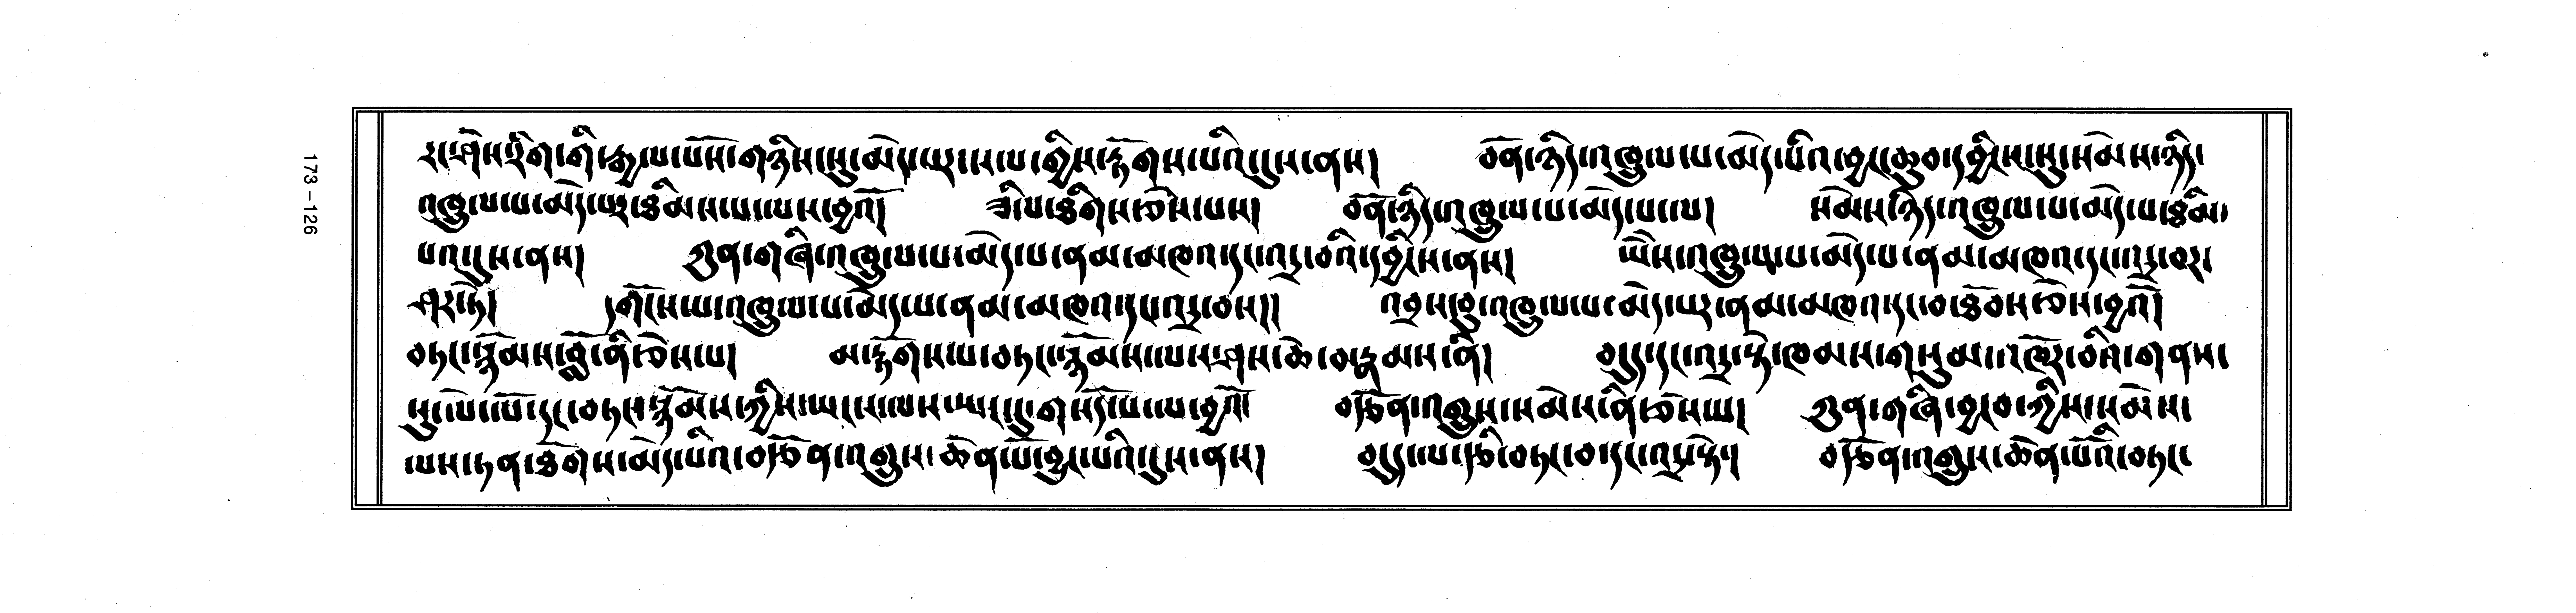རང་ཤེས་རིག་གི་རྒྱལ་པོས་གཉིས་སུ་མེད་པར་སལ་གྱིས་རྟོགས་པའི་དུས་ནས། བོན་ཉིད་འཁྲུལ་པ་མེད་པའི་བྱང་ཆུབ་དབྱིངས་སུ་སེམས་ཉིད་
འཁྲུལ་པ་མེད་པར་ཐིམ་པ་ལ་བྱའོ། ཟིལ་ཐིག་ཅེས་པས། བོན་ཉིད་འཁྲུལ་པ་མེད་པ་ལ་སེམས་ཉིད་འཁྲུལ་པ་མེད་པ་ཐིམ་
པའི་དུས་ནས། ཀུན་གཞི་འཁྲུལ་པ་མེད་པ་ནམ་མཁའ་དང་འདྲ་བའི་དབྱིངས་ནས། ཡེ་ཤེས་འཁྲུལ་པ་མེད་པ་ནམ་མཁའ་དང་འདྲ་བ་
ཤར་ཏེ། དགོངས་པ་འཁྲུལ་པ་མེད་པ་ནམ་མཁའ་དང་འདྲ་བས། འབྲས་བུ་འཁྲུལ་པ་མེད་པ་ནམ་མཁའ་དང་འདྲ་བས་ཐོབ་ཅེས་བྱའོ། །
བཏང་སྙོམས་བློ་ནི་ཅེས་པ། མ་རྟོགས་པ་བཏང་སྙོམས་ལས་ཤས་ཆེ་བ་རྣམས་ནི། བདུད་དང་འདྲ་སྟེ། ཁམས་གསུམ་འཁོར་བའི་གནས་
སུ་ལེ་ལོ་དང་བཏང་སྙོམས་ཀྱིས་ཡང་ནས་ཡང་དུ་གསོད་པ་ལ་བྱའོ། །བརྩོན་འགྲུས་སེམས་ནི་ཅེས་པས། ཀུན་གཞི་བྱང་ཆུབ་ཀྱི་སེམས་
ལས། བརྩོན་འགྲུས་ཆེན་པོ་བྱུང་བའི་དུས་ནས། བདུད་ལ་རྩི་བཏང་བ་དང་འདྲ་སྟེ། བརྩོན་འགྲུས་ཆེན་པོས་བཏང་